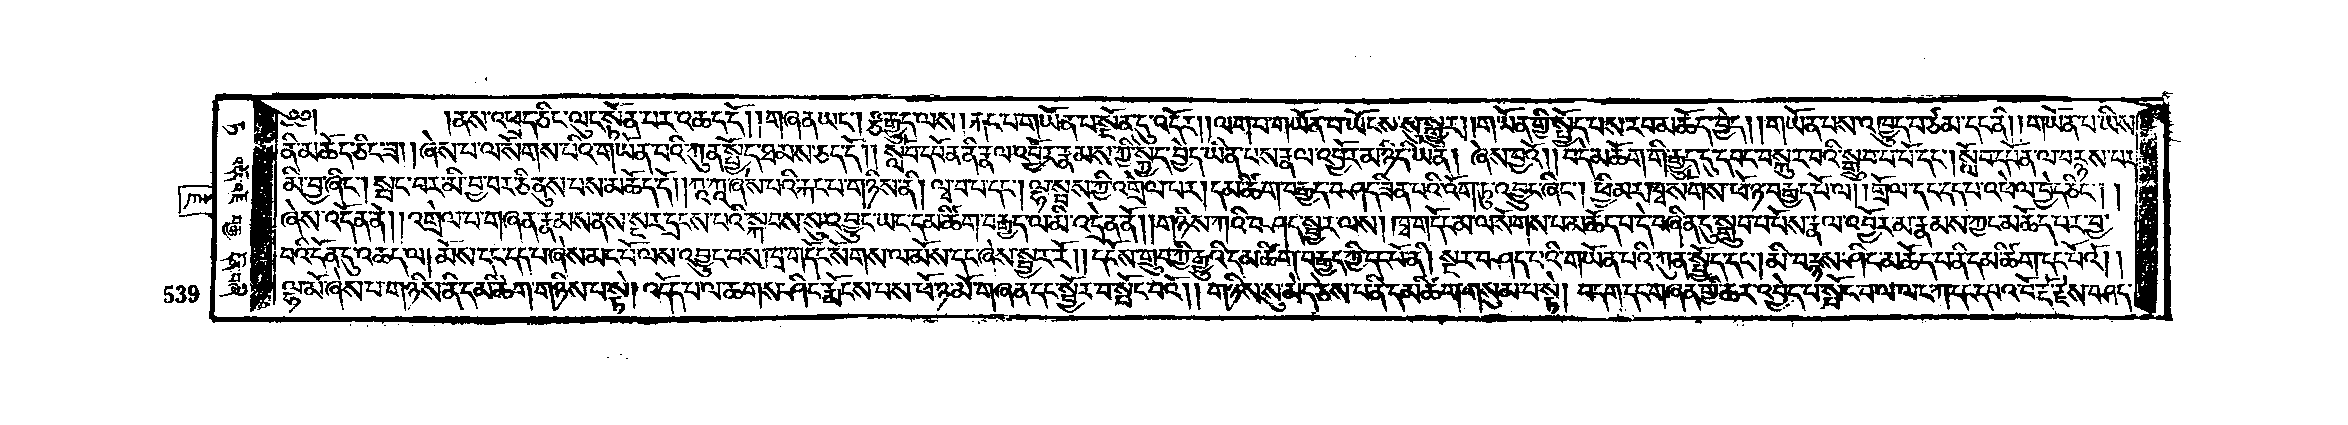༄༅། །ནས་འཕྲད་ཅིང་ལུང་སྟོན་པར་འཆད་དོ། །གཞན་ཡང་། རྩ་རྒྱུད་ལས། རྐང་པ་གཡོན་པ་སྔོན་དུ་འདོར། །ལག་པ་གཡོན་པ་ཡོངས་སུ་སྒྱུར། །གཡོན་གྱི་སྤྱོད་པས་རབ་མཆོད་བྱེད། །གཡོན་པས་འཁྱུད་པ་ཙམ་དང་ནི། །གཡོན་པ་ཡིས་
ནི་མཆོད་ཅིང་ཟ། །ཞེས་པ་ལ་སོགས་པའི་གཡོན་པའི་ཀུན་སྤྱོད་ཐམས་ཅད་དོ། །སློབ་དཔོན་ནི་རྣལ་འབྱོར་རྣམས་ཀྱི་སྐྱེད་བྱེད་ཡིན་པས་རྣལ་འབྱོར་མ་ཉིད་ཡིན། ཞེས་བྱའོ། །བདེ་མཆོག་གི་རྒྱུད་དུ་དབང་བསྐུར་བའི་སྒྲུབ་པ་པོ་དང་། སློབ་དཔོན་ལ་བརྙས་པར་
མི་བྱ་ཞིང་། སྤང་བར་མི་བྱ་བར་ཅི་ནུས་པས་མཆོད་དོ། །ཀཱ་ཀཱ་ཞེས་པའི་རྐང་པ་གཉིས་ནི། ལྭ་བ་པ་དང་། ལྷ་སྦས་ཀྱི་འགྲེལ་པར། དམ་ཚིག་བརྒྱད་བཤད་ཟིན་པའི་འོག་ཏུ་འབྱུང་ཞིང་། ཕྱི་མར་ཁྭ་སོགས་ཕོ་ཉ་བརྒྱད་པོ་ལ། །གྲོལ་དང་དད་པ་འཕེལ་བྱེད་ཅིང་། །
ཞེས་འདོན་ནི། །འགྲེལ་པ་གཞན་རྣམས་ནས་སྔར་དྲངས་པའི་སྐབས་སུ་འབྱུང་ཡང་དམ་ཚིག་བརྒྱད་ལ་མི་འདྲེན་ནི། །གཉིས་ཀའི་བཤད་སྦྱར་ལས། ཁྭ་གདོང་མ་ལ་སོགས་པ་མཆོད་པ་དེ་བཞིན་དུ་སྒྲུབ་པ་པོས་རྣལ་འབྱོར་མ་རྣམས་ཀྱང་མཆོད་པར་བྱ་
བའི་དོན་དུ་འཆད་ལ། མོས་དང་དད་པ་ཞེས་མང་པོ་ལས་འབྱུང་བས་ཁྭ་གདོང་སོགས་ལ་མོས་དང་ཞེས་སྦྱར་རོ། །དངོས་གྲུབ་ཀྱི་རྒྱུའི་དམ་ཚིག་བརྒྱད་ཀྱི་དང་པོ་ནི། སྔར་བཤད་པའི་གཡོན་པའི་ཀུན་སྤྱོད་དང་། མི་བརྙས་ཤིང་མཆོད་པ་ནི་དམ་ཚིག་དང་པོའོ། །
ལྷ་མོ་ཞེས་པ་གཉིས་ནི་དམ་ཚིག་གཉིས་པ་སྟེ། འདོད་པ་ལ་ཆགས་ཤིང་རྨོངས་པས་ཕོ་ཉ་མོ་གཞན་དང་སྦྱོར་བ་སྤོང་བའོ། །གཉིས་སུ་མེད་ཅེས་པ་ནི་དམ་ཚིག་གསུམ་པ་སྟེ། བདག་དང་གཞན་གྱི་ཆར་འབྱེད་པ་སྤོང་བ་ལ་ལང་ཀ་དང་དཔའ་བོ་རྡོ་རྗེས་བཤད་